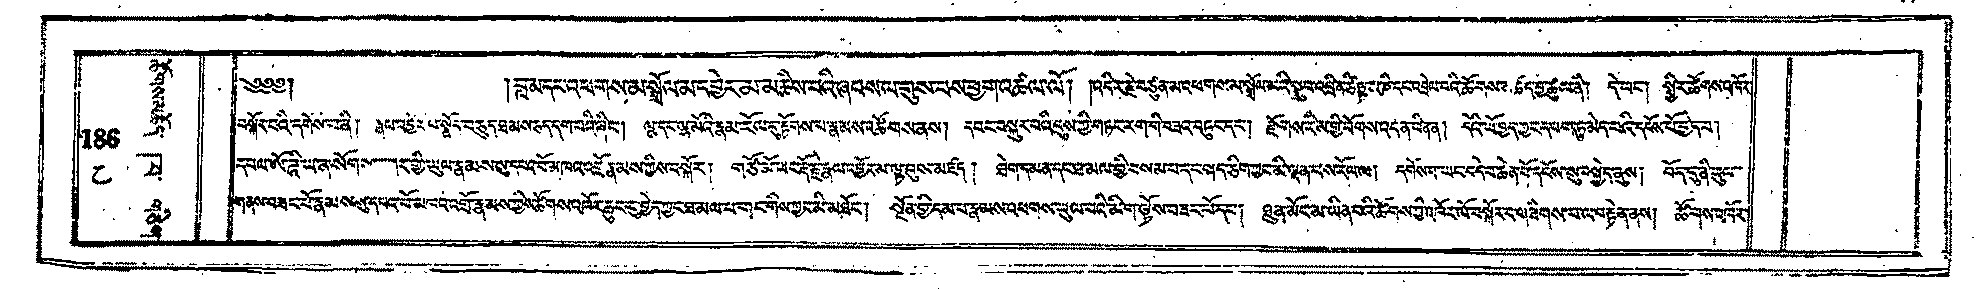༄༅༅། །བླ་མ་དང་འཕགས་མ་སྒྲོལ་མ་དབྱེར་མ་མཆིས་པའི་ཞབས་ལ་གུས་པས་ཕྱག་འཚལ་ལོ། །འདིར་རྗེ་བཙུན་མ་འཕགས་མ་སྒྲོལ་མའི་སྒྲུབ་འཕྲིན་ཙིཏྟ་མ་ཎི་དང་འབྲེལ་བའི་ཚོགས་མཚད་བྱ་ཚུལ་ནི། དེ་ཡང་། སྤྱིར་ཚོགས་འཁོར་
བསྐོར་བའི་དགོས་པ་ནི། རྣལ་འབྱོར་པ་སྣོད་བཅུད་ཐམས་ཅད་དག་པའི་ཞིང་། ལྷ་དང་ལྷ་མོའི་རྣམ་རོལ་དུ་རྟོགས་པ་རྣམས་འཚོགས་ནས། དབང་བསྐུར་བའི་དུས་ཀྱི་གཏང་རག་གི་བཟའ་བཏུང་དང་། རྫོགས་རིམ་གྱི་བོགས་འདན་ཡིན་ན། དེའི་ཡོ་བྱད་ཀྱང་དཔག་ཏུ་མེད་པའི་དངོས་པོ་བྱེད་པ།
དཔལ་ཨོ་ཌཱི་ཡ་ན་སོགས་་་ཀར་གྱི་ཡུལ་རྣམས་སུ་དཔའ་བོ་མཁའ་འགྲོ་རྣམས་ཀྱིས་བསྐོར། གཙོ་མོ་ཡང་རྡོ་རྗེ་རྣལ་འབྱོར་མ་ལྟ་བུས་མཛད། ཐེག་དམན་དང་ཐ་མལ་གྱི་བསམ་པ་དང་སྐད་ཅིག་ཀྱང་མི་ལྡན་པས་རོལ་ལ། དགོས་པ་ཡང་བདེ་བ་ཆེན་པོ་དངོས་སུ་བསྐྱེད་ནུས། བོད་དུ་ནི་ཡུལ་་་
གནས་བཟང་པོ་རྣམས་སུ་དཔའ་བོ་མཁའ་འགྲོ་རྣམས་ཀྱིས་ཚོགས་འཁོར་ཆུང་དུ་བྱེད་ཀྱང་ཐ་མལ་པ་གང་གིས་ཀྱང་མི་མཐོང་། སྔོན་གྱི་དམ་པ་རྣམས་འཕགས་ཡུལ་པའི་མིག་ལྟོས་བཟང་པོ་དང་། ཐུན་མོང་མ་ཡིན་པའི་ཚོགས་ཀྱི་འཁོར་ལོ་བསྐོར་པ་གཟིགས་པ་ལ་བརྟེན་ནས། ཚོགས་འཁོར་